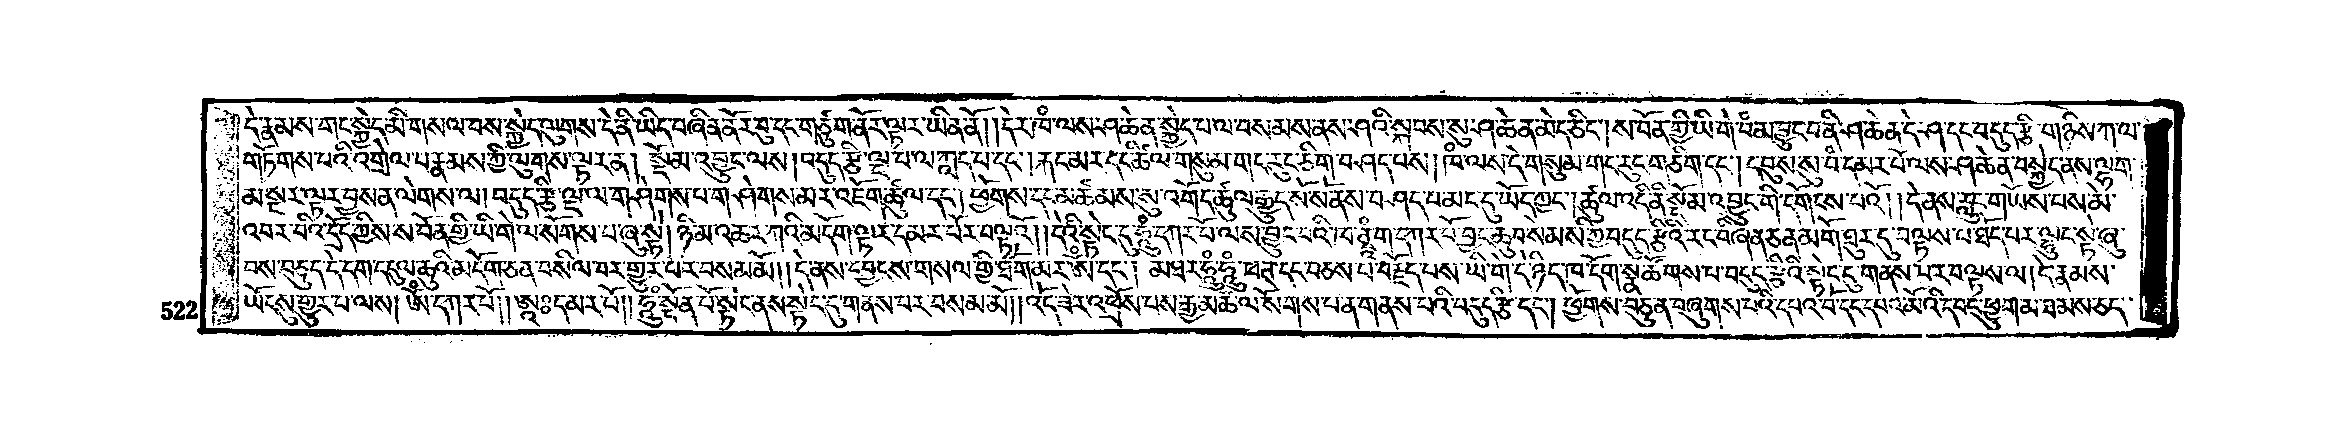དེ་རྣམས་གང་སྐྱེད་མི་གསལ་བས་སྐྱེད་ལུགས་དེ་ནི་ཡིད་བཞིན་ནོར་བུ་དང་གཙུག་ནོར་ལྟར་ཡིན་ནོ། །དེར་ཁཾ་ལས་ཤ་ཆེན་སྐྱེད་པ་ལ་བསམས་ནས་ཤའི་སྐབས་སུ་ཤ་ཆེན་མེད་ཅིང་། ས་བོན་གྱི་ཡི་གེ་བཾ་མ་བྱུང་བ་ནི་ཤ་ཆེན་དེ་ཤ་དང་བདུད་རྩི་གཉིས་ཀ་ལ་
གཏོགས་པའི་འགྲེལ་པ་རྣམས་ཀྱི་ལུགས་ལྟར་ན། སྡོམ་འབྱུང་ལས། བདུད་རྩི་ལྔ་པ་ལ་ཀླད་པ་དང་། རྐང་མར་དང་ཚིལ་གསུམ་གང་རུང་ཅིག་བཤད་པས། ཁཾ་ལས་དེ་གསུམ་གང་རུང་གཅིག་དང་། དབུས་སུ་བཾ་དམར་པོ་ལས་ཤ་ཆེན་བསྐྱེད་ནས་ལྷག་
མ་སྔར་ལྟར་བྱས་ན་ལེགས་ལ། བདུད་རྩི་ལྔ་ལ་གཤེགས་པ་གཤེགས་མར་འཇོག་ཚུལ་དང་། ཕྱོགས་དང་མཚམས་སུ་འགོད་ཚུལ་རྒྱུད་སོ་སོ་ནས་བཤད་པ་མང་དུ་ཡོད་ཀྱང་། ཚུལ་འདི་ནི་སྡོམ་འབྱུང་གི་དགོངས་པའོ། །དེ་ནས་རླུང་གཡོས་པས་མེ་
འབར་བའི་དྲོད་ཀྱིས་ས་བོན་གྱི་ཡི་གེ་ལ་སོགས་པ་ཞུ་སྟེ། ཉི་མ་འཆར་ཀའི་མདོག་ལྟར་དམར་པོར་བལྟའོ། །དེའི་སྟེང་དུ་ཧཱུཾ་དཀར་པོ་ལས་བྱུང་བའི་ཁ་ཊྭཱཾ་ག་དཀར་པོ་བྱང་ཆུབ་སེམས་ཀྱི་བདུད་རྩིའི་རང་བཞིན་ཅན་མགོ་ཐུར་དུ་བལྟས་པ་ཐོད་པར་ལྷུང་སྟེ་ཞུ་
བས་བཅུད་དེ་དག་དངུལ་ཆུའི་མདོག་ཅན་བསིལ་བར་གྱུར་པར་བསམ་མོ། །དེ་ནས་དབྱངས་གསལ་གྱི་ཐོག་མར་ཨོཾ་དང་། མཐར་ཧཱུཾ་ཧཱུཾ་ཕཊ་དང་བཅས་པ་བརྗོད་པས་ཡི་གེ་དེ་ཉིད་ཁ་དོག་སྣ་ཚོགས་པ་བདུད་རྩིའི་སྟེང་དུ་གནས་པར་བལྟས་ལ། དེ་རྣམས་
ཡོངས་སུ་གྱུར་པ་ལས། ཨོཾ་དཀར་པོ། །ཨཱཿ དམར་པོ། །ཧཱུཾ་སྔོན་པོ་བསྟེང་ནས་སྟེང་དུ་གནས་པར་བསམ་མོ། །འོད་ཟེར་འཕྲོས་པས་རྒྱ་མཚོ་ལ་སོགས་པ་ན་གནས་པའི་བདུད་རྩི་དང་། ཕྱོགས་བཅུ་ན་བཞུགས་པའི་དཔའ་བོ་དང་དཔའ་མོའི་དབང་ཕྱུག་མ་ཐམས་ཅད་